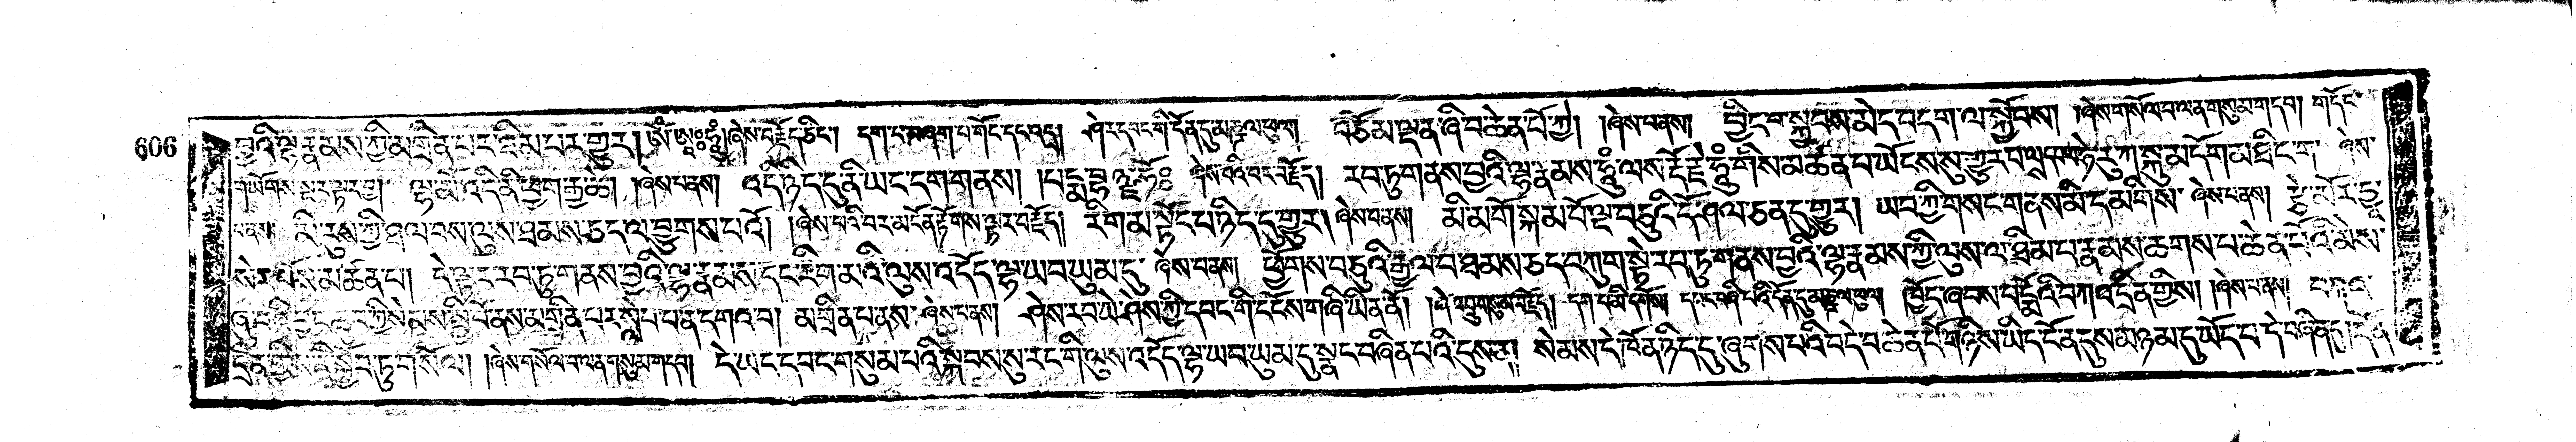བྱའི་ལྷ་རྣམས་ཀྱི་མགྲིན་པར་ཐིབ་པར་གྱུར། ཨོཾ་ཨཱཿ ཧཱུཾ། ཞེས་བརྗོད་ཅིང་། དག་པ་བཞག་པ་གོང་དང་འདྲ། ཤེར་དབང་གི་དོན་དུ་མཎྜལ་ཕུལ།  བཅོམ་ལྡན་ཞི་བ་ཆེན་པོ་ཀྱེ། །ཞེས་པ་ནས། བྱིན་་་སྐྱབས་མེད་བདག་ལ་སྐྱོབས། །ཞེས་གསོལ་བ་ལན་གསུམ་གདབ། གདོང་
གཡོགས་སྔར་ལྟར་བྱ། ལྷ་མོ་འདི་ནི་ཕྱག་རྒྱ་ཆེ། །ཞེས་པ་ནས།  འདི་ཉིད་དུ་ནི་ཡང་དག་གནས། །པདམ་བྷཉྫ་ཧོཿ ཞེས་པའི་བར་བརྗོད།  རབ་ཏུ་གནས་བྱའི་ལྷ་རྣམས་ཧཱུཾ་ལས་རྡོ་རྗེ་ཧཱུཾ་གིས་མཚན་པ་ཡོངས་སུ་གྱུར་པ་ལས་དཔལ་ཏེ་རུ་ཀ་སྐུ་མདོག་མཐིང་ག་ཞེས་
པ་ནས། མི་རུས་ཀྱི་ཐལ་བས་ལུས་ཐམས་ཅད་ལ་བྱུགས་པའོ། །ཞེས་པའི་བར་མངོན་རྟོགས་ལྟར་བརྗོད།  རིག་མ་སྟོང་པ་ཉིད་དུ་གྱུར། ཞེས་པ་ནས།  མི་མགོ་སྐམ་པོ་ལྔ་བཅུའི་དོ་ཤལ་ཅན་དུ་གྱུར། ཡབ་ཀྱི་གསང་གནས་མི་དམིགས་ཞེས་པ་ནས།  རྩེ་མོར་དྱཱ་
སེར་པོས་མཚན་པ། དེ་ལྟར་རབ་ཏུ་གནས་བྱའི་ལྷ་རྣམས་དང་རིག་མའི་ལུས་འདོད་ལྷ་ཡབ་ཡུམ་དུ་ཞེས་པ་ནས།  ཕྱོགས་བཅུའི་རྒྱལ་བ་ཐམས་ཅད་བཀུག་སྟེ་རབ་ཏུ་གནས་བྱའི་ལྷ་རྣམས་ཀྱི་ལུས་ལ་ཐིམ་པ་རྣམས་ཆགས་པ་ཆེན་པོའི་མེས་
ཞུ་བའི་བྱང་ཆུབ་ཀྱི་སེམས་སྤྱི་བོ་ནས་མགྲིན་པར་སླེབ་པ་ན་དགའ་བ། མགྲིན་པ་ནས་ཞེས་པ་ནས།  ཤེས་རབ་ཡེ་ཤེས་ཀྱི་དབང་གི་དངོས་གཞི་ཡིན་ནོ། །ཞེ་འབྲུ་གསུམ་བརྗོད། དག་པ་མི་དགོས། དབང་བཞི་པའི་དོན་དུ་མཎྜལ་ཕུལ།  ཁྱོད་ཞབས་པདམོའི་བཀའ་དྲིན་གྱིས། །ཞེས་པ་ནས།  བཀའ་
དྲིན་གྱིས་ནི་སྐྱོབ་ཏུ་གསོལ། །ཞེས་གསོལ་བ་ལན་གསུམ་གདབ།  དེ་ཡང་དབང་གསུམ་པའི་སྐབས་སུ་རང་གི་ལུས་འདོད་ལྷ་ཡབ་ཡུམ་དུ་སྣང་བཞིན་པའི་དུས་ན། སེམས་དེ་ཁོ་ན་ཉིད་དུ་ཞུགས་པའི་བདེ་བ་ཆེན་པོ་གཉིས་ཡིད་ངོ་ན་དུས་མཉམ་དུ་ཡོད་པ་དེ་བཞིན་དུ། དོན་